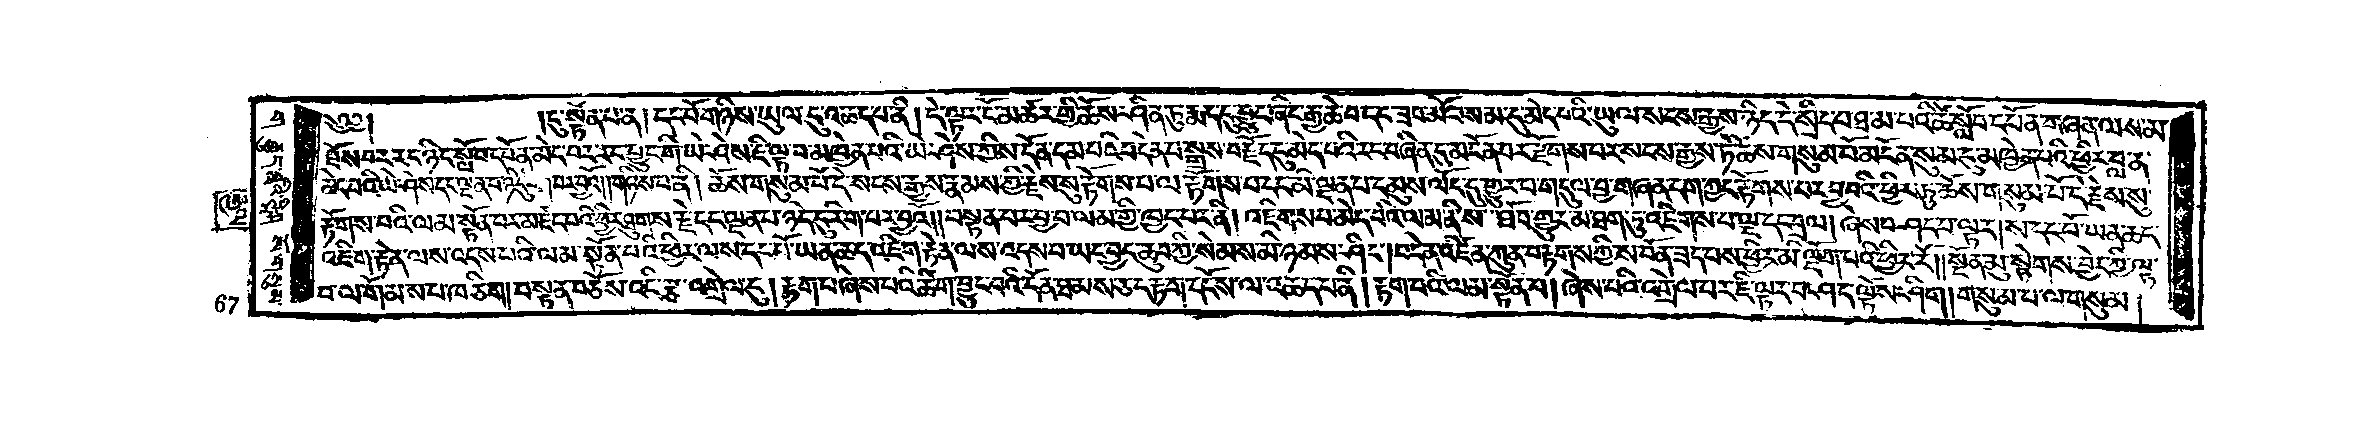༄༅། །དུ་སྟོན་པ་ན། དང་པོ་གཉིས་ཡུལ་དུ་འཆད་པ་ནི། དེ་ལྟར་ངོ་མཚར་གྱི་ཆོས་ཤིན་ཏུ་རྨད་དུ་བྱུང་ཞིང་རྒྱ་ཆེ་བ་དང་ཟབ་མོ་བསམ་དུ་མེད་པའི་ཡུལ་སངས་རྒྱས་ཉིད་དེ་སྲིད་པ་ཐ་མ་པའི་ཚེ་སློབ་དཔོན་གཞན་ལས་མ་
ཐོས་པར་རང་ཉིད་སློབ་དཔོན་མེད་པར་རང་བྱུང་གི་ཡེ་ཤེས་ཇི་ལྟ་བ་མཁྱེན་པའི་ཡེ་ཤེས་ཀྱིས་དོན་དམ་པའི་བདེན་པ་སྒྲས་བརྗོད་དུ་མེད་པའི་རང་བཞིན་དུ་མངོན་པར་རྫོགས་པར་སངས་རྒྱས་ཏེ་ཆོས་གསུམ་པོ་མངོན་སུམ་དུ་མཁྱེན་པའི་ཕྱིར་བླ་ན་
མེད་པའི་ཡེ་ཤེས་དང་ལྡན་པ་ཉིད་དུ།?  བྱེད?་པར་བྱའོ། །གཉིས་པ་ནི། ཆོས་གསུམ་པོ་དེ་སངས་རྒྱས་རྣམས་ཀྱི་རྗེས་སུ་རྟོགས་པ་ལ་རྟོགས་པ་དང་མི་ལྡན་པ་དམུས་ལོང་དུ་གྱུར་པ་གདུལ་བྱ་གཞན་དག་ཀྱང་རྟོགས་པར་བྱ་བའི་ཕྱིར་ཏུ་ཆོས་གསུམ་པོ་དེ་རྗེས་སུ་
རྟོགས་པའི་ལམ་སྟོན་པར་མཛད་པའི་ཕྱིར་ཐུགས་རྗེ་དང་ལྡན་པ་ཉིད་དུ་རིག་པར་བྱའོ། །བསྟན་པར་བྱ་བ་ལམ་གྱི་ཁྱད་པར་ནི། འཇིགས་པ་མེད་པའི་ལམ་ནི་ས་ཐོབ་གྱུར་མ་ཐག་ཏུ་འཇིགས་པ་ལྔ་དང་བྲལ། ཞེས་བཤད་པ་ལྟར། ས་དང་པོ་ཡན་ཆད་འཇིག་རྟེན་ལས་འདས་པའི་ལམ་སྟོན་པའི་ཕྱིར་ལས་དང་པོ་ཡན་ཆད་འཇིག་རྟེན་ལས་འདས་པ་ཡང་བྱང་ཆུབ་ཀྱི་སེམས་མི་ཉམས་ཤིང་། བདེན་འཛིན་ཀུན་བརྟགས་ཀྱི་ས་བོན་ཟད་པས་ཕྱིར་མི་ལྡོག་པའི་ཕྱིར་རོ། །སྔོན་མུ་སྟེགས་བྱེད་ཀྱི་ལྟ་
བ་ལ་གོམས་པ་ཁ་ཅིག །བསྟན་བཅོས་འདི་རྩ་འགྲེལ་དུ། རྟག་པ་ཞེས་པའི་ཚིག་བྱུང་བའི་དོན་ཐམས་ཅད་རྟག་དངོས་ལ་འཆད་པ་ནི། རྟག་པའི་ལམ་སྟོན་པ། ཞེས་པའི་འགྲེལ་པར་ཇི་ལྟར་བཤད་ལྟོས་ཤིག །གསུམ་པ་ལ་གསུམ།